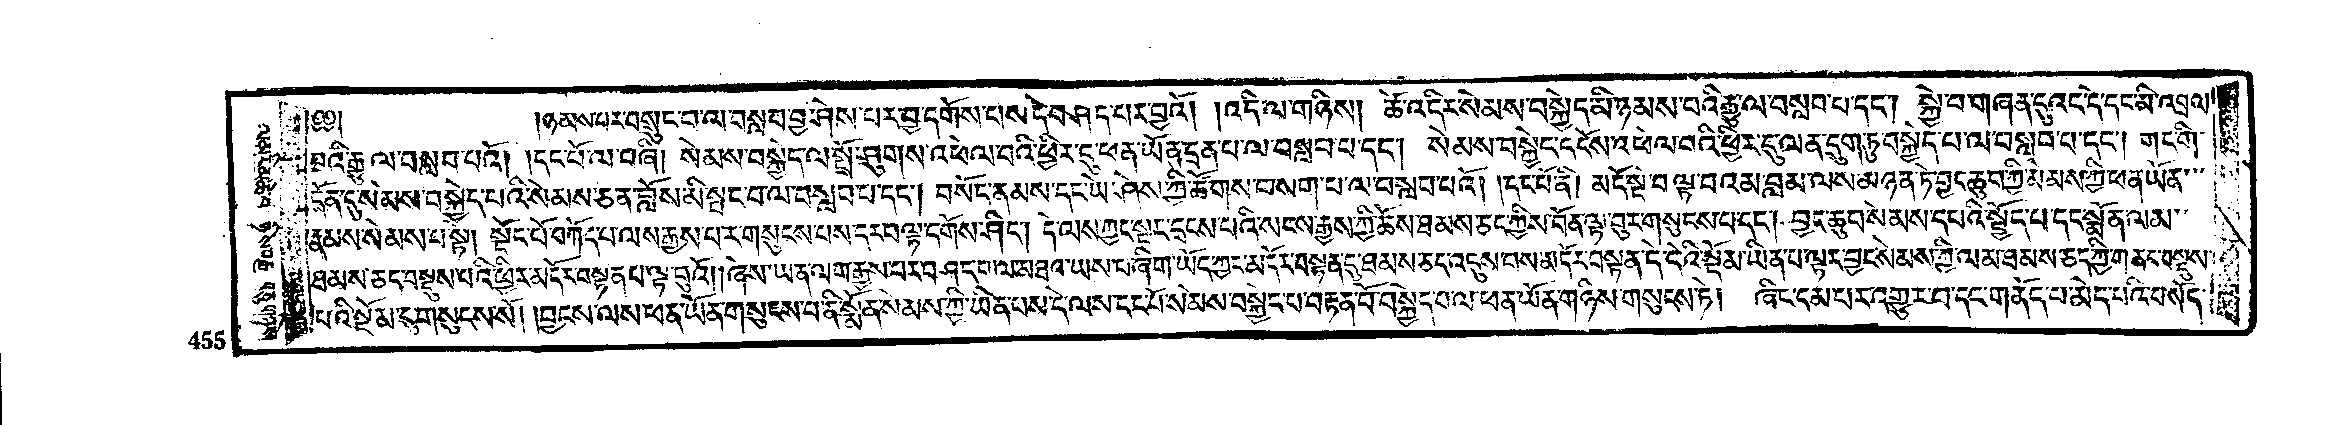༄༅། །ཉམས་པར་བསྲུང་བ་ལ་བསླབ་བྱ་ཤེས་པར་བྱ་དགོས་པས་དེ་བཤད་པར་བྱའོ། །འདི་ལ་གཉིས། ཚེ་འདིར་སེམས་བསྐྱེད་མི་ཉམས་པའི་རྒྱུ་ལ་བསླབ་པ་དང་། སྐྱེ་བ་གཞན་དུའང་དེ་དང་མི་འབྲལ་
བའི་རྒྱུ་ལ་བསླབ་པའོ། །དང་པོ་ལ་བཞི། སེམས་བསྐྱེད་ལ་སྤྲོ་ཤུགས་འཕེལ་བའི་ཕྱིར་དུ་ཕན་ཡོན་དྲན་པ་ལ་བསླབ་པ་དང་། སེམས་བསྐྱེད་དངོས་འཕེལ་བའི་ཕྱིར་དུ་ལན་དྲུག་ཏུ་བསྐྱེད་པ་ལ་བསླབ་པ་དང་། གང་གི་
དོན་དུ་སེམས་བསྐྱེད་པའི་སེམས་ཅན་བློས་མི་སྤང་བ་ལ་བསླབ་པ་དང་། བསོད་ནམས་དང་ཡེ་ཤེས་ཀྱི་ཚོགས་བསག་པ་ལ་བསླབ་པའོ། །དང་པོ་ནི། མདོ་སྡེ་བལྟ་བའམ་བླ་མ་ལས་མཉན་ཏེ་བྱང་ཆུབ་ཀྱི་སེམས་ཀྱི་ཕན་ཡོན་
རྣམས་སེམས་པ་སྟེ། སྡོང་པོ་བཀོད་པ་ལས་རྒྱས་པར་གསུངས་པས་དེར་བལྟ་དགོས་ཤིང་། དེ་ལས་ཀྱང་སྔར་དྲངས་པའི་སངས་རྒྱས་ཀྱི་ཆོས་ཐམས་ཅད་ཀྱི་ས་བོན་ལྟ་བུར་གསུངས་པ་དང་། བྱང་ཆུབ་སེམས་དཔའི་སྤྱོད་པ་དང་སྨོན་ལམ་
ཐམས་ཅད་བསྡུས་པའི་ཕྱིར་མདོར་བསྟན་པ་ལྟ་བུའོ། །ཞེས་ཡན་ལག་རྒྱས་པར་བཤད་པ་ལ་མཐའ་ཡས་པ་ཞིག་ཡོད་ཀྱང་མདོར་བསྟན་དུ་ཐམས་ཅད་འདུས་པས་མདོར་བསྟན་དེ་དེའི་སྡོམ་ཡིན་པ་ལྟར་བྱང་སེམས་ཀྱི་ལམ་ཐམས་ཅད་ཀྱི་གནད་བསྡུས་
པའི་སྡོམ་དུ་གསུངས་སོ། །བྱང་ས་?་ལས་ཕན་ཡོན་གསུངས་པ་ནི་སྨོན་སེམས་ཀྱི་ཡིན་པས་དེ་ལས་དང་པོ་སེམས་བསྐྱེད་པ་བརྟན་པོ་བསྐྱེད་པ་ལ་ཕན་ཡོན་གཉིས་གསུངས་ཏེ། ཞིང་དམ་པར་འགྱུར་བ་དང་གནོད་པ་མེད་པའི་བསོད་